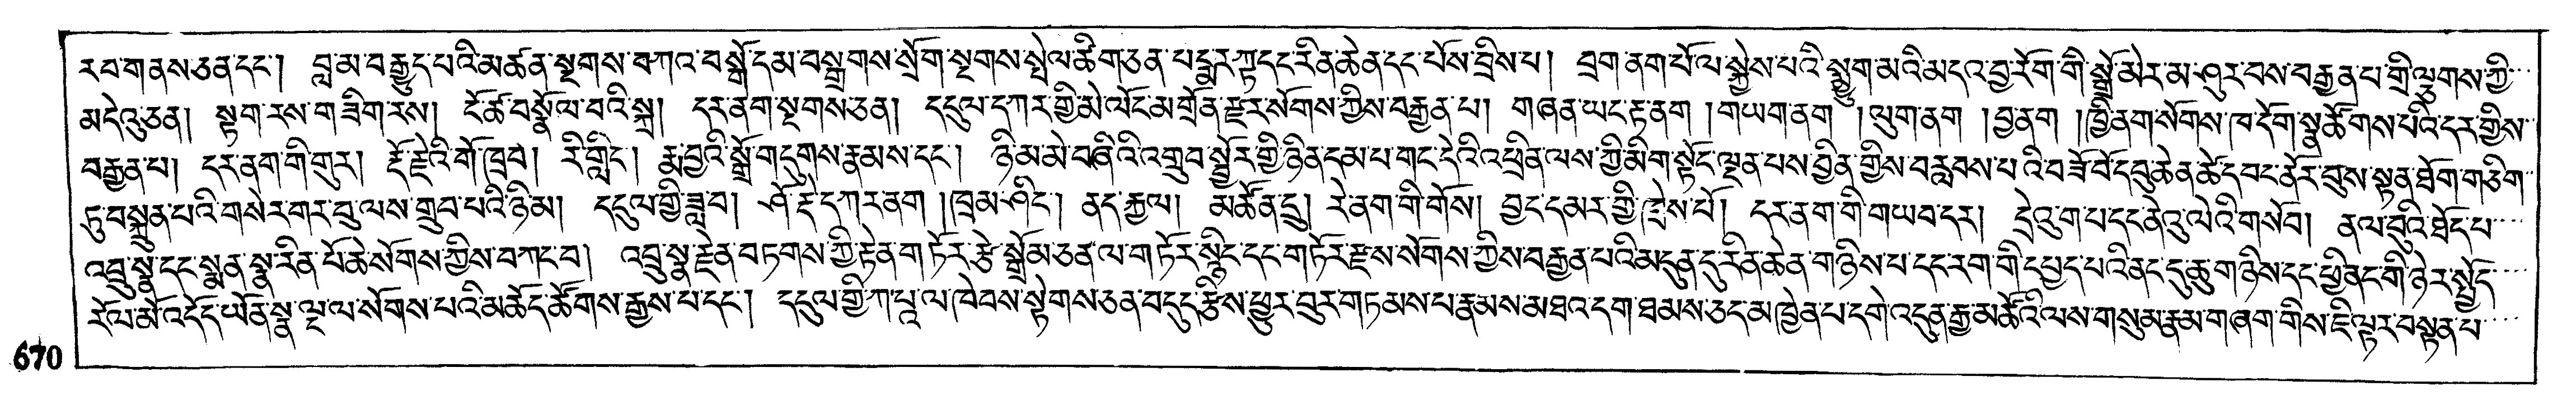རབ་གནས་ཅན་དང་། བླ་མ་བརྒྱུད་པའི་མཚན་སྔགས་བཀའ་བསྒོ་དམ་བསྒྲགས་སྲོག་སྔགས་སྤེལ་ཚིག་ཅན་པདམ་རཀྟ་དང་རིན་ཆེན་དང་པོས་བྲིས་པ། བྲག་ནག་པོ་ལ་སྐྱེས་པའི་སྨྱུག་མའི་མདའ་བྱ་རོག་གི་སྒྲོ་མེ་རམ་ཤུར་བས་བརྒྱན་པ་གྲི་ལྕགས་ཀྱི་
མདེའུ་ཅན། སྟག་རས་གཟིགས་རས། ངོ་ཚ་བསྣོལ་བའི་སྐྲ། དར་ནག་སྔགས་ཅན། དངུལ་དཀར་གྱི་མེ་ལོང་མགྲོན་རྫར་སོགས་ཀྱིས་བརྒྱན་པ། གཞན་ཡང་རྟ་ནག། །གཡག་ནག །ལུག་ནག །བྱ་ནག །ཁྱི་ནག་སོགས་ཁ་དོག་སྣ་ཚོགས་པའི་དར་གྱིས་
བརྒྱན་པ། དར་ནག་གི་གུར། རྡོ་རྗེའི་གོ་ཁྲབ། རི་གླིང་། རྨ་བྱའི་སྒྲོ་གདུགས་རྣམས་དང་། ཉི་མ་མེ་བཞིའི་འགྲུབ་སྦྱོར་གྱི་ཉིན་དམ་པ་གང་དེའི་འཕྲིན་ལས་ཀྱི་མིག་སྟོང་ལྡན་བས་བྱིན་གྱིས་བརླབས་པའི་བཟོ་བོ་དབུ་ཆེན་ཚེ་དབང་ནོར་བུས་སྟན་ཐོག་གཅིག་
ཏུ་བསྐྲུན་པའི་གསེར་གར་བུ་ལས་གྲུབ་པའི་ཉི་མ། དངུལ་གྱི་ཟླ་བ། ཤོ་རྗེ་དཀར་ནག །ཁྲམ་ཤིང་། ནད་རྐྱལ། མཚོན་དྲུ། རེ་ནག་གི་གོས། བྱང་དམར་གྱི་ཁྲེས་པོ། དར་ནག་གི་གཡབ་དར། དྲེའུ་ག་པ་དང་ནེའུ་ལེའི་གསོབ། ནལ་བུའི་ཐོད་པ་
འབྲུ་སྣ་དང་སྨན་སྣ་རིན་པོ་ཆེ་སོགས་ཀྱིས་བཀང་བ། འབྲུ་སྣ་རྗེན་བཏགས་ཀྱི་རྟེན་གཏོར་རྩེ་སྒྲོམ་ཅན་ལ་གཏོར་སྙིང་དང་གཏོར་རྫས་སོགས་ཀྱིས་བརྒྱན་པའི་མདུན་དུ་རིན་ཆེན་གཉིས་པ་དང་རག་གི་དཔྱད་པའི་ནང་དུ་ཆུ་གཉིས་དང་ཕྱི་ནང་གི་ཉེར་སྤྱོད་
རོལ་མོ་འདོད་ཡོན་སྣ་ལྔ་ལ་སོགས་པའི་མཆོད་ཚོགས་རྒྱས་པ་དང་། དངུལ་གྱི་ཀ་པཱ་ལ་ཁེབས་སྟེགས་ཅན་བདུད་རྩིས་ཕྱུར་བུར་གཏམས་པ་རྣམས་མཐའ་དག་ཐམས་ཅད་མཁྱེན་པ་དགེ་འདུན་རྒྱ་མཚོའི་ལས་གསུམ་རྣམ་གཞག་གིས་ཇི་ལྟར་བསྟན་པ་